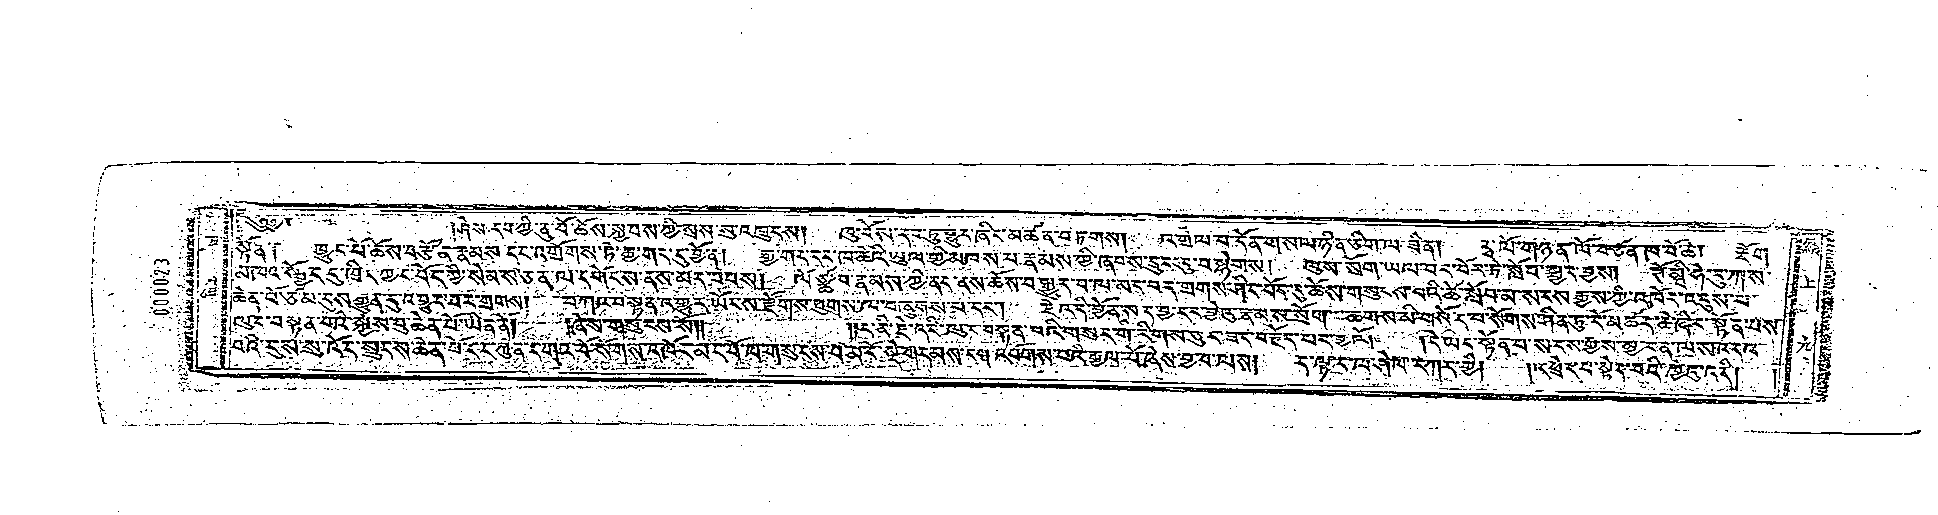༄༅། །ཤེས་རབ་ཀྱི་ནུ་བོ་ཆོས་སྐྱབས་ཀྱི་སྲས་སུ་འཁྲུངས། ཁུ་བོས་རབ་ཏུ་བྱུང་ཞིང་མཚན་བཏགས། འགྲེལ་བ་དོན་གསལ་ཉིན་ཅིག་ལ་ཟིན། རྭ་ལོ་གཉན་ལོ་བཙན་ཁ་བོ་ཆེ། རྔོག་
སྟོན༑ ཁྱུང་པོ་ཆོས་བརྩོན་རྣམས་དང་འགྲོགས་ཏེ་རྒྱ་གར་དུ་བྱོན། རྒྱ་གར་དང་ཁ་ཆེའི་ཡུལ་གྱི་མཁས་པ་རྣམས་ཀྱི་ཞབས་དྲུང་དུ་བསྙེགས། ལུས་སྲོག་ཡལ་བར་བོར་ཏེ་སློབ་སྦྱང་བྱས། ཊོམྦི་ཧེ་རུ་ཀས་
མཁའ་སྤྱོད་དུ་ཁྲིད་ཀྱང་བོད་ཀྱི་སེམས་ཅན་ལ་དགོངས་ནས་མར་བབས། ལོ་ཙྪ་བ་རྣམས་ཀྱི་ནང་ནས་ཆོས་བསྒྱུད་བ་ལ་མང་བར་གྲགས་ཤིང་བོད་དུ་ཆོས་གསུངས་པའི་ཆོ་སློབ་མ་སངས་རྒྱས་ཀྱི་འཁོར་འདུས་པ་
ཆེན་པོ་ཙམ་དུས་རྒྱུན་དུ་འབྱུང་བར་གྲགས། བཀའ་བསྟན་འགྱུར་ཡོངས་རྫོགས་ཐུགས་ལ་བཞུགས་པ་དང་། རྗེ་འདི་བྱོན་སར་བྱ་དང་བྱེའུ་རྣམས་སྲོག་ཆགས་མི་གསོད་པ་སོགས་ཤིན་ཏུ་ངོ་མཚར་ཆེ་ཞིང་སྟོན་པས་
ལུང་བསྟན་བའི་སྐྱེས་བུ་ཆེན་པོ་ཡིན་ནོ། །ཞེས་གསུངས་སོ།། །།ང་ནི་རྗེ་འདི་ལུང་བསྟན་པའི་གསུང་གི་རིགས་ཅུང་ཟད་བརྗོད་པར་བྱའོ། །དེ་ཡང་སྟོན་པ་སངས་རྒྱས་མྱ་ངན་ལས་འདའ་
བའི་དུས་སུ་འོད་སྲུངས་ཆེན་པོ་དང་ཀུན་དགའ་བོ་སོགས་འཁོར་མང་པོ་ལ་གསུངས་པ་མདོ་སྡེ་གདམས་ངག་འབོགས་བའི་རྒྱལ་པོ་ཞེས་བྱ་བ་ལས། ད་ལྟ་ང་ལ་ཤེལ་དཀད་གྱི། །འཕྲེང་བ་སྟེར་བའི་ཁྱེའུ་འདི། །